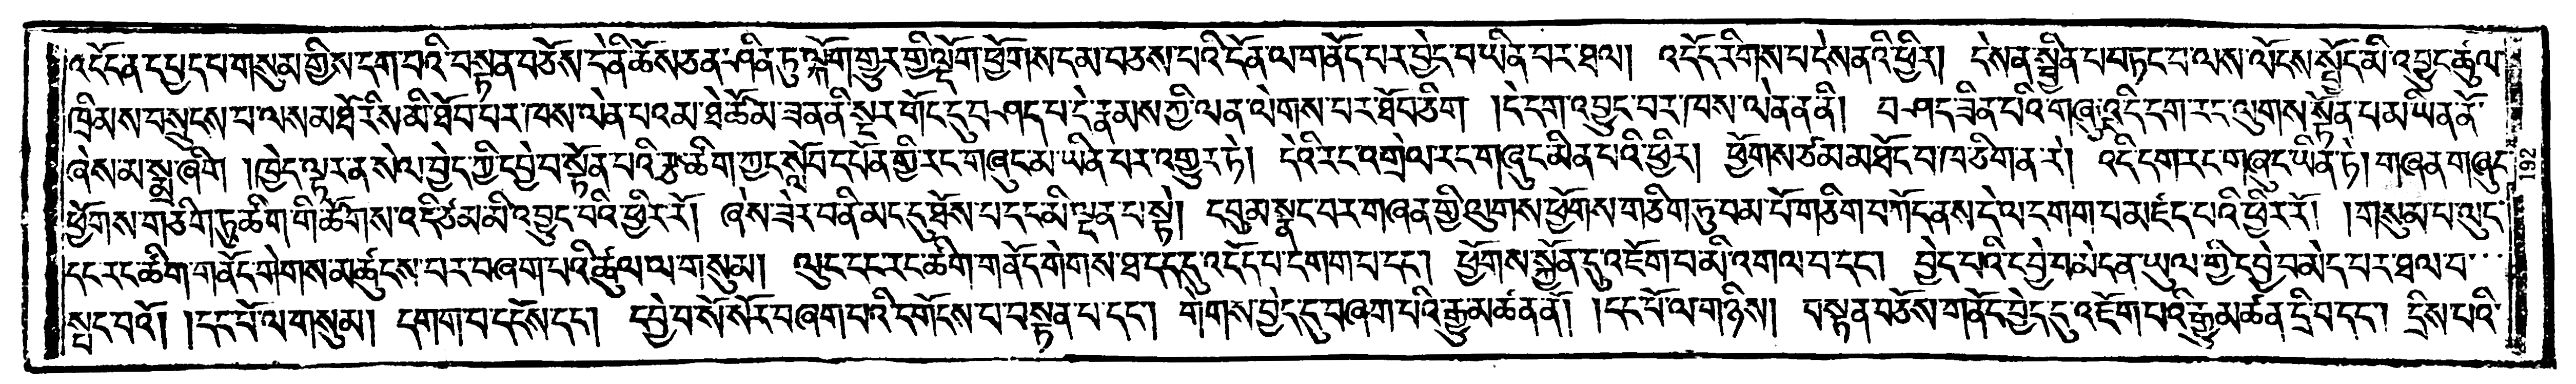འདོད་ན་དཔྱད་པ་གསུམ་གྱིས་དག་པའི་བསྟན་བཅོས་དེ་ནི་ཆོས་ཅན་ཤིན་ཏུ་ལྐོག་གྱུར་གྱི་ལྡོག་ཕྱོགས་དམ་བཅས་པའི་དོན་ལ་གནོད་པར་བྱེད་པ་ཡིན་པར་ཐལ། འདོད་རིགས་པ་དེས་ནའི་ཕྱིར། དེས་ན་སྦྱིན་པ་བཏང་བ་ལས་ལོངས་སྤྱོད་མི་འབྱུང་ཚུལ་
ཁྲིམས་བསྲུངས་པ་ལས་མཐོ་རིས་མི་ཐོབ་པར་ཁས་ལེན་པའམ་ཐེ་ཚོམ་ཟ་ན་ནི་སྔར་གོང་དུ་བཤད་པ་དེ་རྣམས་ཀྱི་ལན་ལེགས་པར་ཐོབ་ཅིག །དེ་དག་འབྱུང་བར་ཁས་ལེན་ན་ནི། བཤད་ཟིན་པའི་གཞུང་འདི་དག་རང་ལུགས་སྟོན་པ་མ་ཡིན་ནོ་
ཞེས་མ་སྨྲ་ཞིག །ཁྱེད་ལྟར་ན་སེལ་བྱེད་ཀྱི་དབྱེ་བ་སྟོན་པའི་རྩ་ཚིག་ཀྱང་སློབ་དཔོན་གྱི་རང་གཞུང་མ་ཡིན་པར་འགྱུར་ཏེ། དེའི་རང་འགྲེལ་རང་གཞུང་མིན་པའི་ཕྱིར། ཕྱོགས་ཙམ་མཐོང་བ་ཁ་ཅིག་ན་རེ། འདི་དག་རང་གཞུང་ཡིན་ཏེ། གཞན་གཞུང་
ཕྱོགས་གཅིག་ཏུ་ཚིག་གི་ཚོགས་འདི་ཙམ་མི་འབྱུང་བའི་ཕྱིར་རོ། ཞེས་ཟེར་བ་ནི་མང་དུ་ཐོས་པ་དང་མི་ལྡན་པ་སྟེ། དབུ་མ་སྣང་བར་གཞན་གྱི་ལུགས་ཕྱོགས་གཅིག་ཏུ་བམ་པོ་གཅིག་བཀོད་ནས་དེ་ལ་དགག་པ་མཛད་པའི་ཕྱིར་རོ། །གསུམ་པ་ལུང་
དང་རང་ཚིག་གནོད་གེགས་མཚུངས་པར་བཞག་པའི་ཚུལ་ལ་གསུམ། ལུང་དང་རང་ཚིག་གནོད་གེགས་ཐ་དད་དུ་འདོད་པ་དགག་པ་དང་། ཕྱོགས་སྐྱོན་དུ་འཇོག་པ་མི་འགལ་བ་དང་། བྱེད་པའི་དབྱེ་བ་མེད་ན་ཡུལ་གྱི་དབྱེ་བ་མེད་པར་ཐལ་བ་
སྤང་བའོ། །དང་པོ་ལ་གསུམ། དགག་པ་དངོས་དང་། དབྱེ་བ་སོ་སོར་བཞག་པའི་དགོངས་པ་བསྟན་པ་དང་། གེགས་བྱེད་དུ་བཞག་པའི་རྒྱུ་མཚན་ནོ། །དང་པོ་ལ་གཉིས། བསྟན་བཅོས་གནོད་བྱེད་དུ་འཇོག་པའི་རྒྱུ་མཚན་དྲི་བ་དང་། དྲིས་པའི་